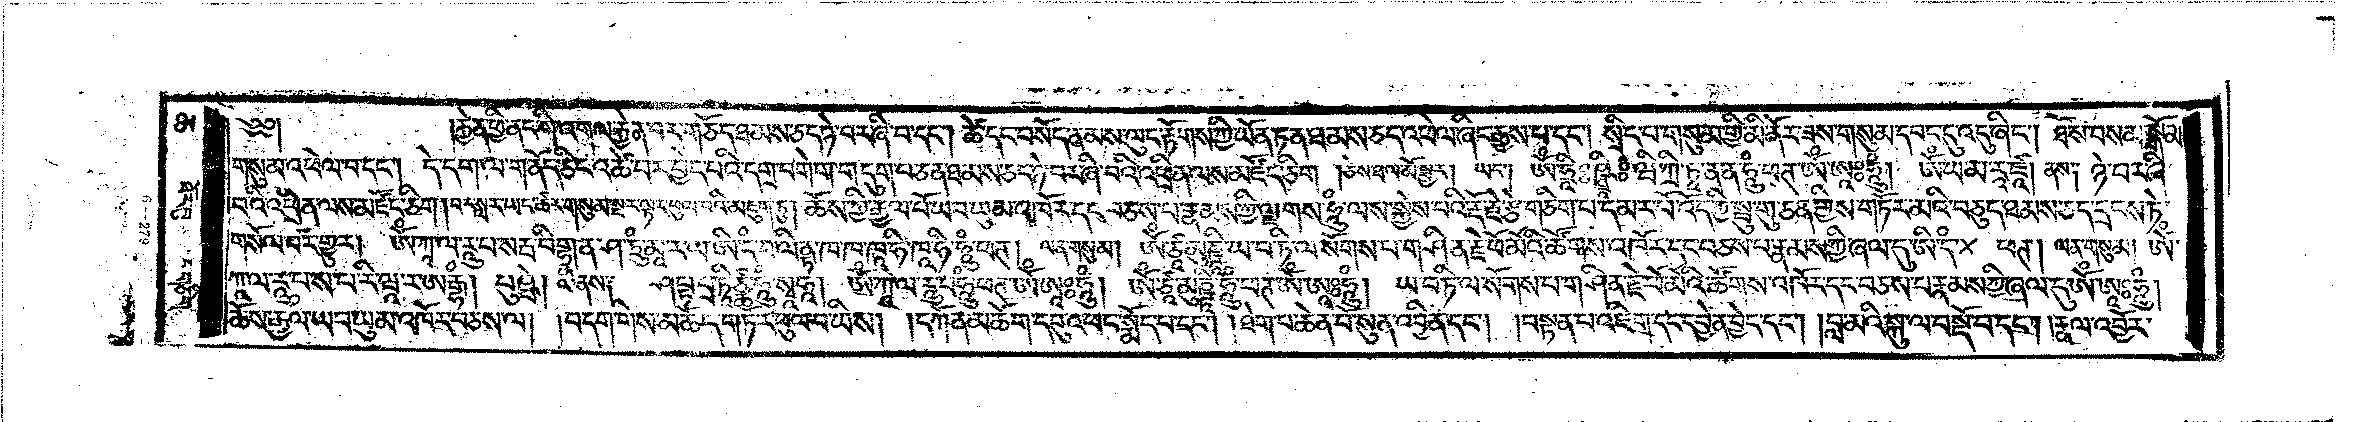༄༅། །རྐྱེན་ཕྱི་ནང་གི་འགལ་རྐྱེན་བར་གཅོད་ཐམས་ཅད་ཉེ་བ་ཞི་བ་དང་། ཚེ་དང་བསོད་ནམས་ལུང་རྟོགས་ཀྱི་ཡོན་ཏན་ཐམས་ཅད་འཕེལ་ཞིང་རྒྱས་པ་དང་། སྲིད་པ་གསུམ་གྱི་མི་ནོར་ཟས་གསུམ་དབང་དུ་འདུ་ཞིང་། ཐོས་བསམ་སྒོམ་
གསུམ་འཕེལ་བ་དང་། དེ་དག་ལ་གནོད་ཅིང་འཚེ་བར་བྱེད་པའི་དགྲ་བགེགས་གདུག་པ་ཅན་ཐམས་ཅད་ཉེ་བར་ཞི་བའི་འཕྲིན་ལས་མཛོད་ཅིང་། །ཅེས་ཐལ་མོ་སྦྱར།  ཡང་ཨོཾ་ཧྲཱིཿ ཥྚཱིཿ ཝི་ཀྲི་ཏཱ་ནན་ཧཱུཾ་ཕཊ་ཨོཾ་ཨཱཿ ཧཱུཾ། ཨོཾ་ཡ་མ་རཱ་ཛཱ། ནས༑ ཉེ་བར་ཞི་
བའི་འཕྲིན་ལས་མཛོད་ཅིག་།བར་སླར་ཡང་ཚར་གསུམ་སྔར་ལྟར་ཕུལ་བའི་མཇུག་ཏུ།  ཆོས་ཀྱི་རྒྱལ་པོ་ཡབ་ཡུམ་འཁོར་དང་བཅས་པ་རྣམས་ཀྱི་ལྗགས་ཧཱུཾ་ལས་སྐྱེས་བའི་རྡོ་རྗེ་རྩེ་གཅིག་པ་དམར་པོ་འོད་ཀྱི་སྦུ་གུ་ཅན་གྱིས་གཏོར་མའི་བཅུད་ཐམས་ཅད་དྲངས་ཏེ་
གསོལ་བར་གྱུར། ཨོཾ་ལཱ་ལ་རཱུ་པ་སརྦ་བིགྷྣ་ཤ་ཏྲཱུཾ་མཱ་ར་ཡ་ཨི་དཾ་བ་ལིནྟ་ཁ་ཁ་ལཱ་ཧི་ཁཱ་ཧི་ཧཱུཾ་ཕཊ། ལན་གསུམ། ཨོཾ་ཙཱ་མུཎྜཱི་ཡ་བ་ཏི་ལ་སོགས་པ་གཤིན་རྗེ་ཕོ་བོའི་ཚོགས་འཁོར་དང་བཅས་པ་རྣམས་ཀྱི་ཞལ་དུ་ཨི་དཾ྾་ཕཊ། ལན་གསུམ་ཨོཾ་
ཀཱ་ལ་རཱུ་པ་ས་པ་རི་ཝཱ་ར་ཨརྒྷཾ། པུཥྤེ། ལ་ནས༑ ཤཔྟ་ཏཱི་ཙྪ་སྭཧཱ། ཨོཾ་ཀཱ་ལ་རཱུ་པ་ཧཱུཾ་ཕཊ་ཨོཾ་ཨཱཿ ཧཱུཾ། ཨོཾ་ཙཱ་མུཎྜཱི་ཧཱུཾ་ཕཊ་ཨོཾ་ཨཱཿ ཧཱུཾ། ཡ་བ་ཏི་ལ་སོགས་པ་གཤིན་རྗེ་ཕོ་མོའི་ཚོགས་འཁོར་དང་བཅས་པ་རྣམས་ཀྱི་ཞལ་དུ་ཨོཾ་ཨཱཿ ཧཱུཾ།
ཆོས་རྒྱལ་ཡབ་ཡུམ་འཁོར་བཅས་ལ། །བདག་གིས་མཆོད་གཏོར་ཕུལ་བ་ཡིས། །དཀོན་མཆོག་དབུ་འཕང་སྨོད་པ་དང་། །ཐེག་པ་ཆེན་པོ་སུན་འབྱིན་དང་། །བསྟན་པ་འཇིག་དང་དབྱེན་བྱེད་དང་། །བླ་མའི་སྐུ་ལ་བསྡོ་བ་དང་། །རྣལ་འབྱོར་